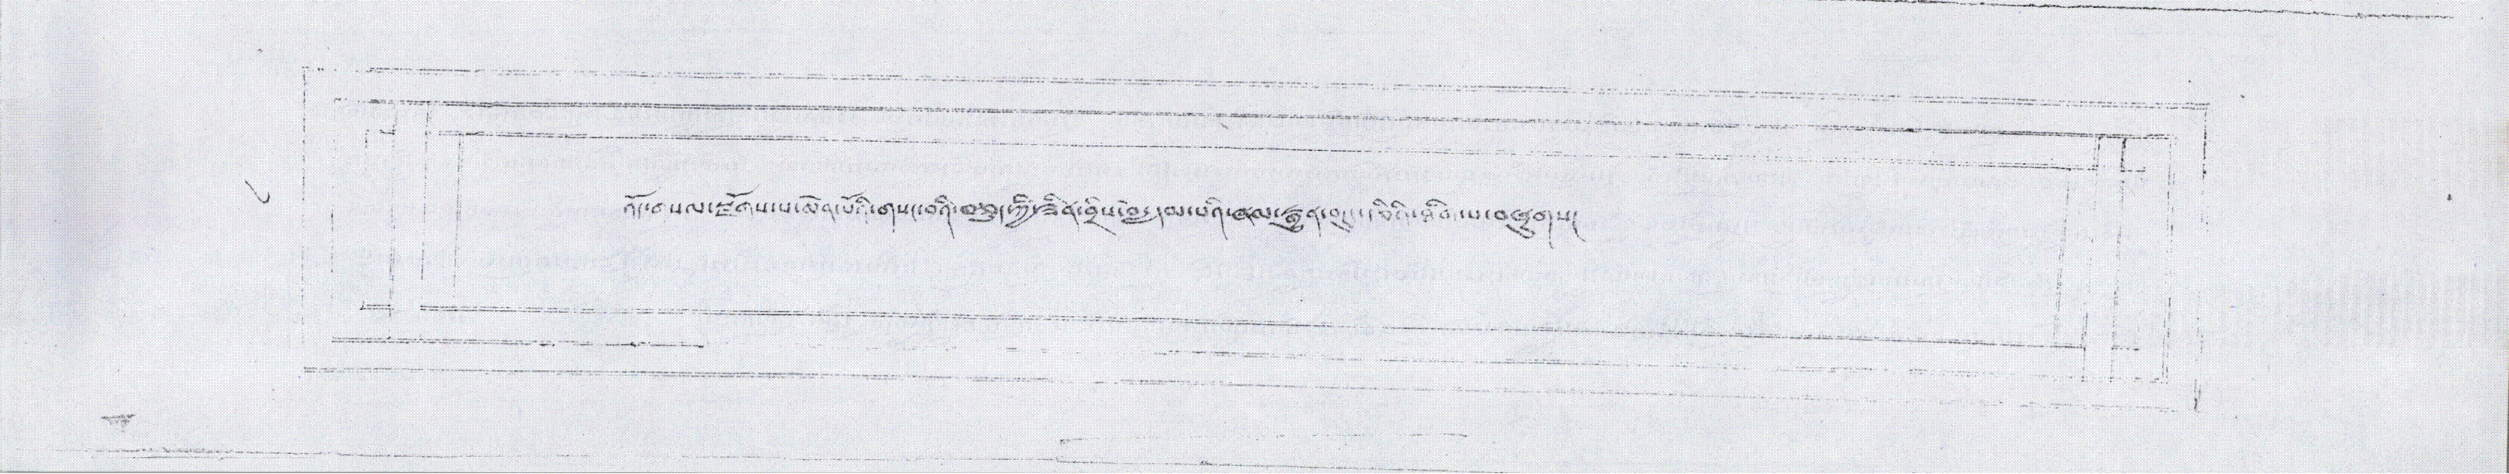འོད་གསལ་རྫོགས་པ་ཆེན་པོའི་གསང་བའི་བཅུད་ཀྱི་ཟིན་བྲིས་བླ་མ་དམ་པའི་ཞལ་རྒྱུན་བདུད་རྩིའི་ཐིགས་པ་བཞུགས།